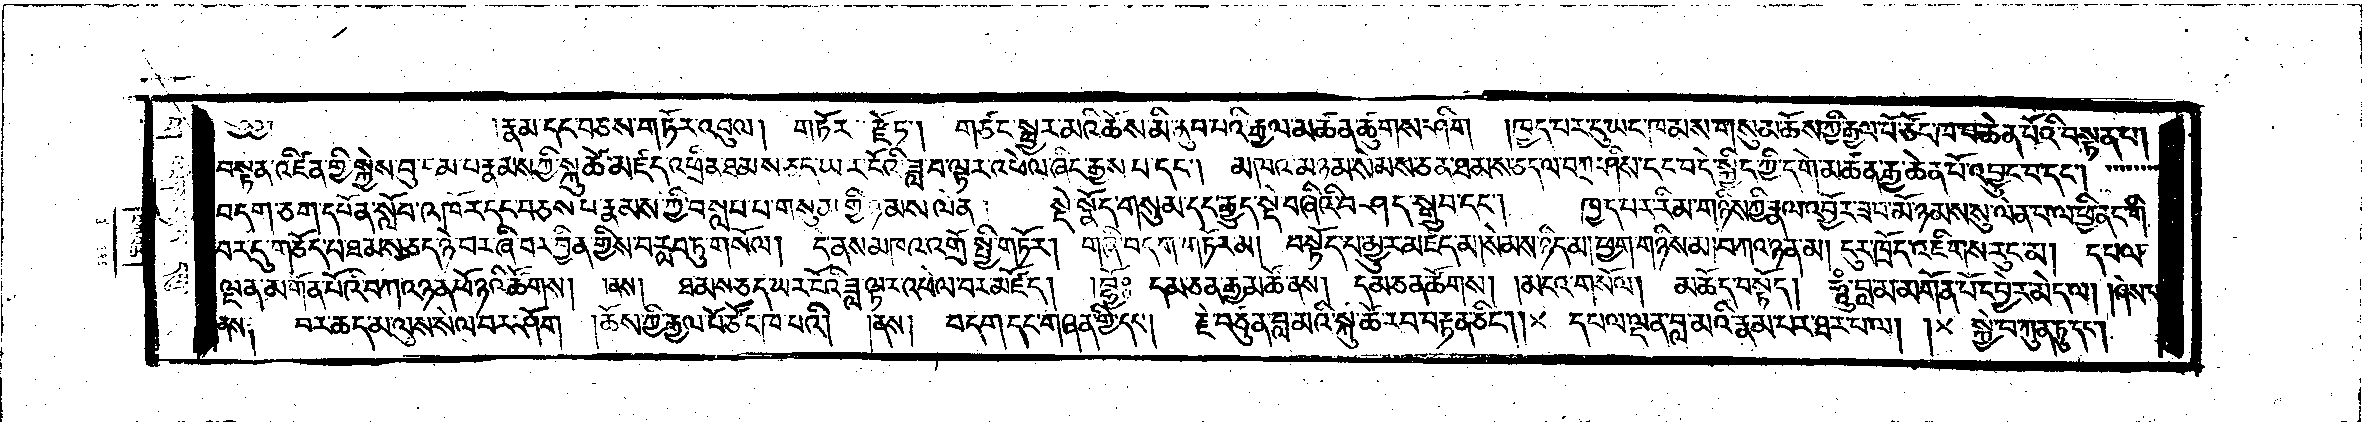༄༅། །རྣམ་དང་བཅས་གཏོར་འབུལ། གཏོར་རྫོཏ། གཙང་སྦྱར་མའི་ཆོས་མི་ནུབ་པའི་རྒྱལ་མཚན་ཚུགས་ཤིག །ཁྱད་པར་དུ་ཡང་ཁམས་གསུམ་ཆོས་ཀྱི་རྒྱལ་པོ་ཙོང་ཁ་པ་ཆེན་པོའི་བསྟན་པ།
བསྟན་འཛིན་གྱི་སྐྱེས་བུ་དམ་པ་རྣམས་ཀྱི་སྐུ་ཚེ་མཛད་འཕྲིན་ཐམས་ཅད་ཡར་ངོའི་ཟླ་བ་ལྟར་འཕེལ་ཞིང་རྒྱས་པ་དང་། མཁའ་མཉམ་སེམས་ཅན་ཐམས་ཅད་ལ་བཀྲ་ཤིས་དང་བདེ་སྐྱིད་ཀྱི་དགེ་མཚན་རྒྱ་ཆེན་པོ་འབྱུང་བ་དང་།
བདག་ཅག་དབོན་སློབ་འཁོར་དང་བཅས་པ་རྣམས་ཀྱི་བསླབ་པ་གསུམ་གྱི་ཉམས་ལེན། སྡེ་སྣོད་གསུམ་དང་རྒྱུད་སྡེ་བཞིའི་བཤད་སྒྲུབ་དང་། ཁྱད་པར་རིམ་གཉིས་ཀྱི་རྣལ་འབྱོར་ཟབ་མོ་ཉམས་སུ་ལེན་པ་ལ་ཕྱི་ནང་གི་
བར་དུ་གཅོད་པ་ཐམས་ཅད་ཉེ་བར་ཞི་བར་བྱིན་གྱིས་བརླབ་ཏུ་གསོལ། དེ་ནས་མཁའ་འགྲོ་སྤྱི་གཏོར། གཞི་བདག་གཏོར་མ། བསྟོད་པ་མྱུར་མཛད་མ། སེམས་ཉིད་མ། ཕྱག་གཉིས་མ། བཀའ་ཉན་མ། དུར་ཁྲོད་འཇིགས་རུང་མ། དཔལ་
ལྡན་མགོན་པོའི་བཀའ་ཉན་ཕོ་ཉའི་ཚོགས། །ནས། ཐམས་ཅད་ཡར་ངོའི་ཟླ་ལྟར་འཕེལ་བར་མཛོད། །བྷྱོཿ དམ་ཅན་རྒྱ་མཚོ་ནས། དམ་ཅན་ཚོགས། །མངའ་གསོལ། མཆོད་བསྟོད། ཧཱུཾ་བླ་མ་མགོན་པོ་དབྱེར་མེད་ལ། །ཞེས་པ་
ནས༑ བར་ཆད་མ་ལུས་སེལ་བར་ཤོག །ཆོས་ཀྱི་རྒྱལ་པོ་ཙོང་ཁ་པའི། །ནས། བདག་དང་གཞན་གྱི་དང་། རྗེ་བཙུན་བླ་མའི་སྐུ་ཚེ་རབ་བརྟན་ཅིང་། །྾་དཔལ་ལྡན་བླ་མའི་རྣམ་པར་ཐར་པ་ལ། །྾་སྐྱེ་བ་ཀུན་ཏུ་དང་།